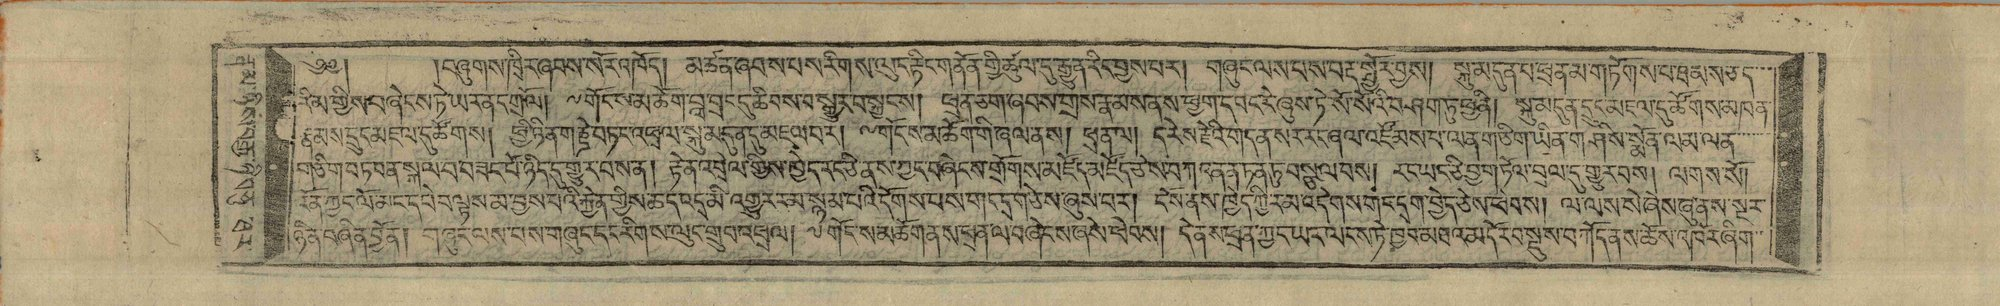༄༅། །བཞུགས་ཁྲིར་ཞབས་སོར་འཁོད། མཚན་ཞབས་པས་རིགས་ལུང་རྟིང་གནོན་གྱི་ཚུལ་དུ་རྒྱུན་རིང་བྱས་པར། གཞུང་ལས་པས་བརྡ་སྦྱོར་བྱས། སྐུ་མདུན་པ་ཕྲན་མ་གཏོགས་པ་ཐམས་ཅད་
རིམ་གྱིས་བཞེངས་ཏེ་ཡར་ནང་གྲོལ། ༧གོང་ས་མཆོག་བླ་བྲང་དུ་ཆིབས་བསྒྱུར་བསྐྱངས། ཕྲན་ཅག་ཞབས་གྲས་རྣམས་ནས་ཕྱག་དབང་རེ་ཞུས་ཏེ་སོ་སོའི་བཤག་ཏུ་ཕྱིན། སྐུ་མདུན་དྲུང་མཇལ་དུ་ཚོགས་མཁན་
རྣམས་དྲུང་མཇལ་དུ་ཚོགས། ཕྱི་ཉིན་གཎྜེ་བཏང་འཕྲལ་སྐུ་མདུན་དུ་མཇལ་བར། ༧གོང་ས་མཆོག་གི་ཞལ་ནས། ཕྲན་ལ། ད་རེས་རྗེའི་གདན་སར་རང་ཞལ་འཛོམས་པ་ལན་གཅིག་ཡིན་གཤིས་སྨོན་ལམ་ལན་
གཅིག་བཏབ་ན་སྐལ་བ་བཟང་པོ་ཉིད་དུ་གྱུར་བསན། རྟེན་འབྲེལ་གྱིས་ཁྱེད་རང་ཅི་ནས་ཀྱང་བཞེངས་གྲོགས་མཛོད་མཛོད་ཅེས་བཀའ་ནན་ཏན་ཏུ་བསྩལ་བས། རང་ཡང་ཅི་བྱ་གཏོལ་བྲལ་དུ་གྱུར་བས། ལགས་སོ།
འོན་ཀྱང་ལོ་མང་དཔེ་བལྟས་མ་བྱས་པའི་རྐྱེན་གྱིས་ཆད་འདྲ་མི་འགྱུར་རམ་སྙམ་པའི་དོགས་པས་གང་དྲག་ཅེས་ཞུས་པར། ངོས་ནས་ཁྱེད་ཀྱི་རམ་འདེགས་གང་དྲག་བྱེད་ཅེས་ཕེབས། ལ་ལས་སེ་ཞེས་ཞུ་ནས་སྔར་
ཉིན་བཞིན་བྱོན། གཞུང་ལས་པས་གཞུང་དང་རིགས་ལུང་གྲུབ་འཕྲལ། ༧གོང་ས་མཆོག་ནས་ཕྲན་ལ་བཞེངས་ཞེས་ཕེབས། དེ་ནས་ཕྲན་ཀྱང་ཡར་ལངས་ཏེ་ཁྱབ་མཐའ་མདོར་བསྡུས་བཀོད་ནས་ཆོས་འཁོར་ཞིག་